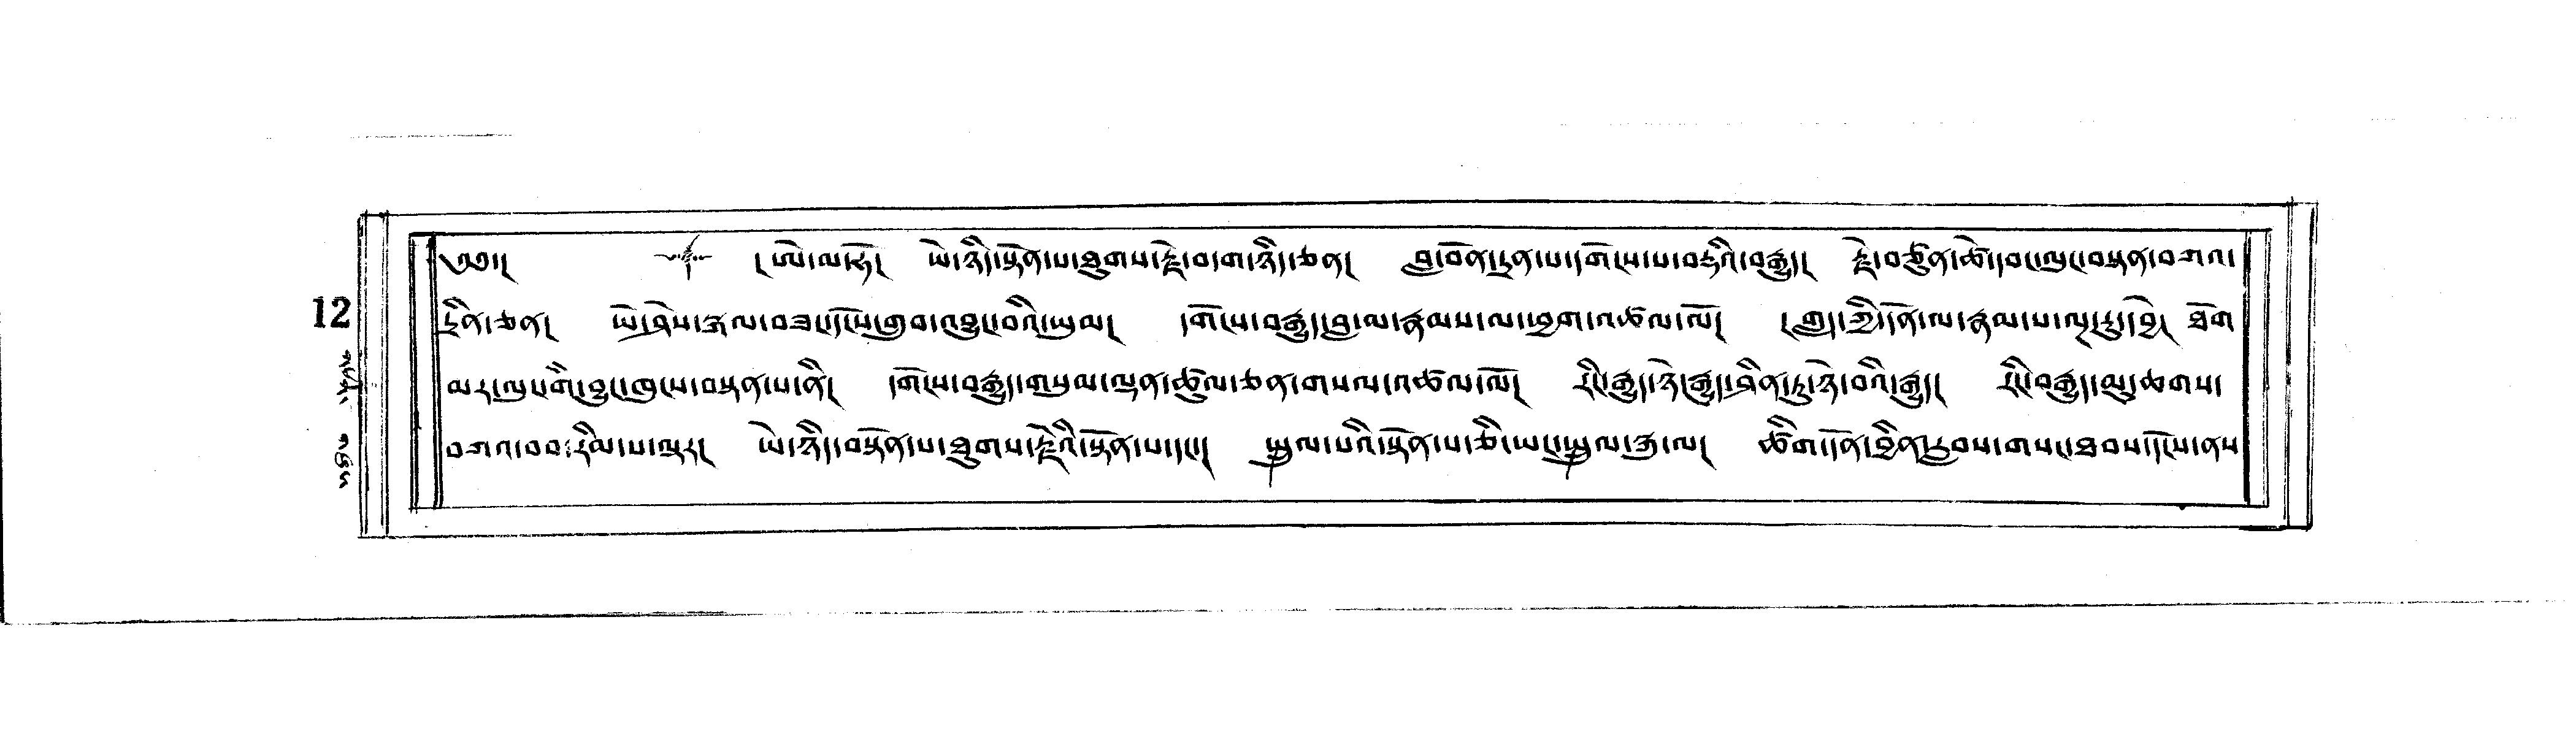༄༅།། ཨེ་མ་ཧོ། ཡེ་ཉིད་སྟོན་པ་ཐུགས་རྗེ་བདག་ཉིད་ཅན། བླ་བོན་དྲན་པ་དགོངས་པ་བརྡ་ཡི་བརྒྱུད། །རྗེ་བཙུན་ཚེ་དབང་ལུང་བསྟན་བཀའ་
དྲིན་ཅན། ཡེ་ཤེས་སྐལ་བཟང་དངོས་གྲུབ་འབྱུང་བའི་ཡུམ། དགོངས་བརྒྱུད་བླ་མ་རྣམས་ལ་ཕྱག་འཚལ་ལོ། གླད་ཀྱི་དོན་ལ་རྣམ་པ་ལྔ་རུ་དབྱེ། ཐོག་
མར་ལུང་གི་བྱུང་ཁུངས་བསྟན་པ་ནི། དགོངས་བརྒྱུད་གསུམ་ལྡན་ཚུལ་ཅན་གསལ་འཚལ་ལོ། རིང་རྒྱུད་ཉེ་རྒྱུད་ཤིན་ཏུ་ཉེ་བའི་རྒྱུད། རིང་བརྒྱུད་མུ་ཆགས་
བཀའ་བབས་རིམ་པ་ལྟར། ཡེ་ཉིད་སྟོན་པ་ཐུགས་རྗེའི་བདག་ཉིད་དང་། སྤྲུལ་པའི་སྟོན་པ་ཅིར་ཡང་སྤྲུལ་སྐུ་ལ། ཚིག་དོན་བྱིན་རླབས་གསང་ཐབས་དངོས་ནས་